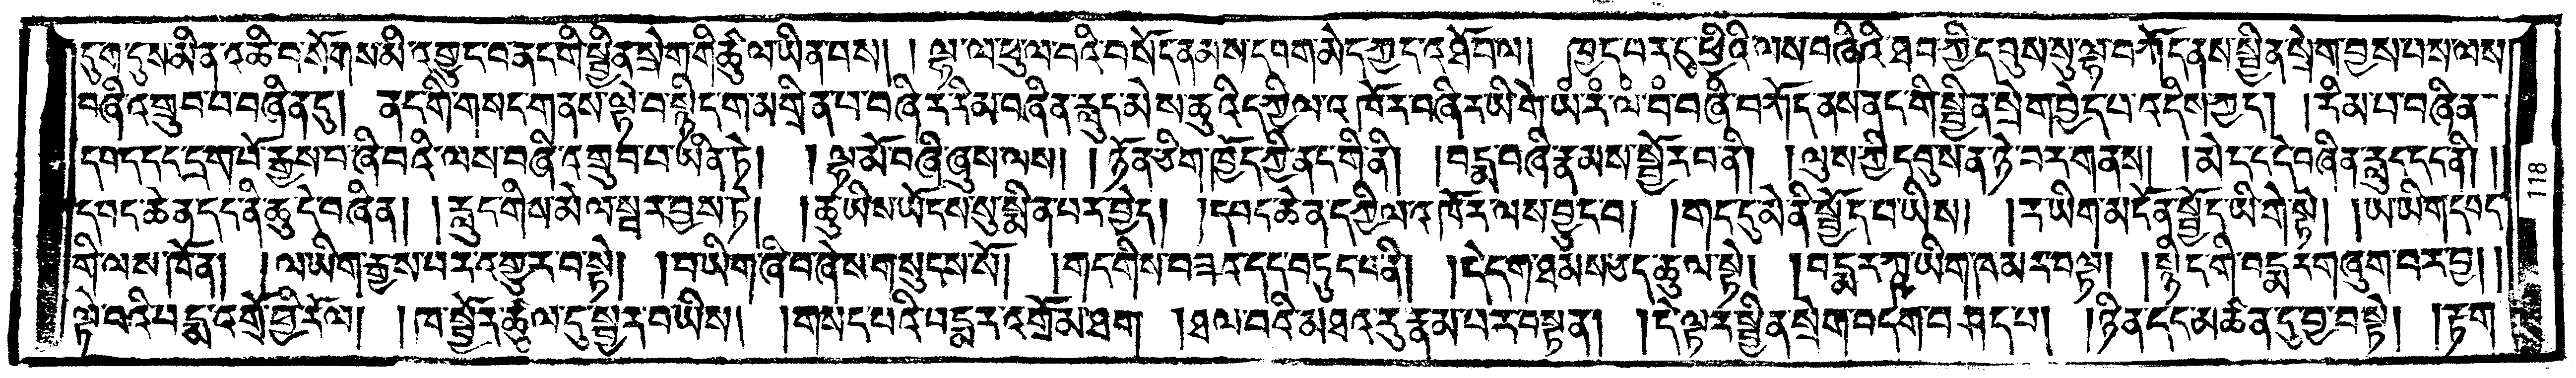དུ་ག་དུས་མིན་འཆི་བ་སོགས་མི་འགྱུར་བ་ནང་གི་སྦྱིན་སྲེག་གི་ཚུལ་ཡིན་པས། །ལྷ་ལ་ཕུལ་བའི་བསོད་ནམས་དཔག་མེད་ཀྱང་འཐོབ་ལ། ཁྱད་པར་དུ་ཕྱིའི་ལས་བཞིའི་ཐབ་ཀྱི་དབུས་སུ་ལྷ་བཀོད་ནས་སྦྱིན་སྲེག་བྱས་པས་ལས་
བཞི་འགྲུབ་པ་བཞིན་དུ། ནང་གི་གསང་གནས་ལྟེ་བ་སྙིང་ག་མགྲིན་པ་བཞིར་རིམ་བཞིན་རླུང་མེས་ཆུའི་དཀྱིལ་འཁོར་བཞིར་ཡི་གེ་ཡཾ་རཾ་ལཾ་བཾ་བཞི་བཀོད་ནས་ནང་གི་སྦྱིན་སྲེག་བྱེད་པ་འདིས་ཀྱང་། །རིམ་པ་བཞིན་
དབང་དང་དྲག་པོ་རྒྱས་པ་ཞི་བའི་ལས་བཞི་འགྲུབ་པ་ཡིན་ཏེ། །ལྷ་མོ་བཞི་ཞུས་ལས། །ཉོན་ཅིག་ཁྱོད་ཀྱི་ནང་གི་ནི། །པདམ་བཞི་རྣམས་སྦྱོར་བ་ནི། །ལུས་ཀྱི་དབུས་ན་ཉེ་བར་གནས། །མེ་དང་དེ་བཞིན་རླུང་དང་ནི། །
དབང་ཆེན་དང་ནི་ཆུ་དེ་བཞིན། །རླུང་གིས་མེ་ལ་སྦར་བྱས་ཏེ། །ཆུ་ཡིས་ཡོངས་སུ་སྨིན་པར་བྱེད། །དབང་ཆེན་དཀྱིལ་འཁོར་ལས་བྱུང་བ། །གང་དུ་མེ་ནི་སྤྱོད་པ་ཡིས། །ར་ཡིག་མངོན་སྤྱོད་ཡི་གེ་སྟེ། །ཨ་ཡིག་དབང་
གི་ལས་ཁོ་ན། །ལ་ཡིག་རྒྱས་པར་འགྱུར་བ་སྟེ། །བ་ཡིག་ཞི་བ་ཞེས་གསུངས་སོ། །གང་གིས་བཟའ་དང་བཏུང་བ་ནི། །དེ་དག་ཐམས་ཅད་ཆུ་ལ་སྟེ། །པདམ་རཀྵ་ཡིག་ཁ་མར་བལྟ། །སྙིང་གི་པདམར་གཞུག་བར་བྱ། །
ལྟེ་བའི་པདམ་འགྲོ་ཕྱི་རོལ། །ཁ་སྦྱོར་ཚུལ་དུ་སྦྱར་བ་ཡིས། །གསང་པའི་པདམར་འགྲོ་མ་ཐག །ཐལ་བའི་མཐའ་རུ་རྣམ་པར་བསྟན། །དེ་ལྟར་སྦྱིན་སྲེག་བདག་བཤད་པ། །ཉིན་དང་མཚན་དུ་བྱ་བ་སྟེ། །རྟག་